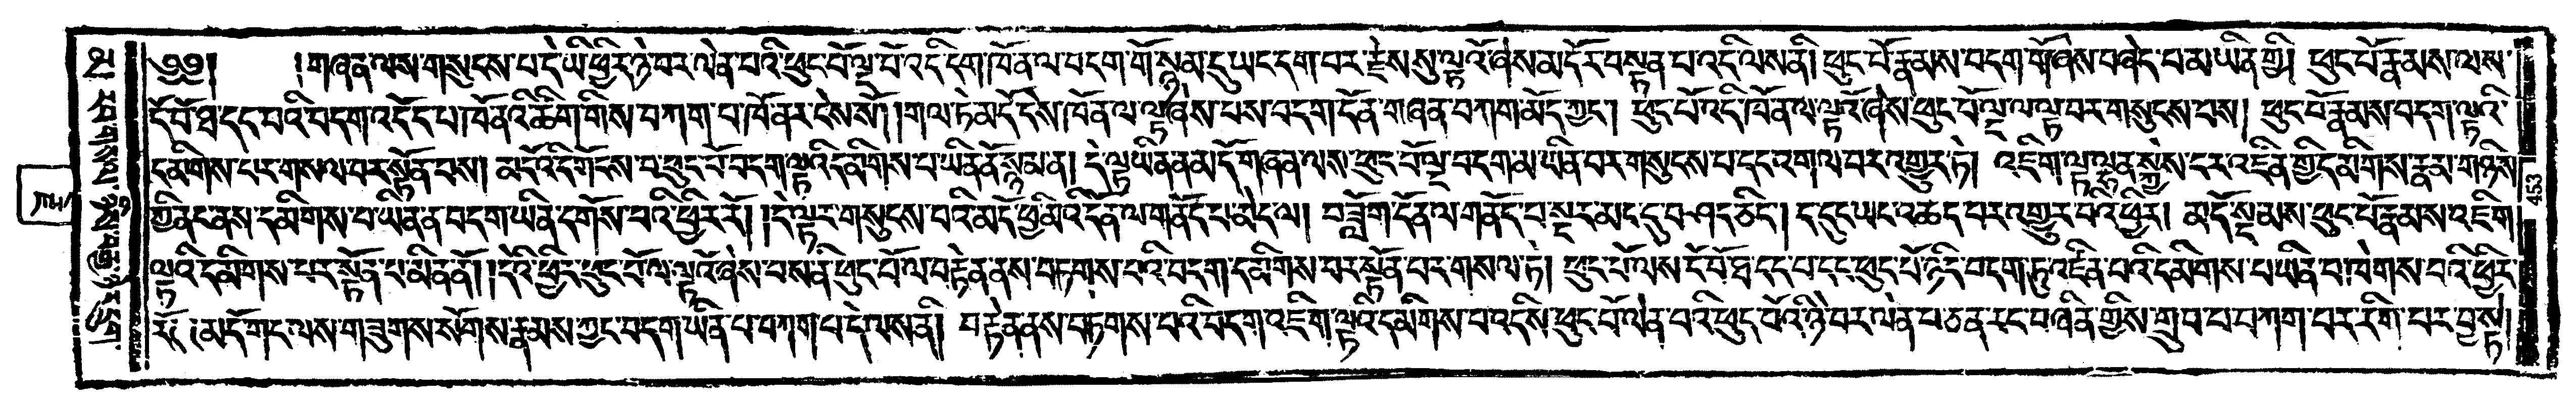༄༅། །གཞན་ལས་གསུངས་པ་དེ་ཡི་ཕྱིར་ཉེ་བར་ལེན་པའི་ཕུང་པོ་ལྔ་པོ་འདི་དག་ཁོ་ན་ལ་བདག་གོ་སྙམ་དུ་ཡང་དག་པར་རྗེས་སུ་ལྟའོ་ཞེས་མདོར་བསྟན་པ་འདི་ལས་ནི། ཕུང་པོ་རྣམས་བདག་གོ་ཞེས་བཞེད་པ་མ་ཡིན་གྱི། ཕུང་པོ་རྣམས་ལས་
ངོ་བོ་ཐ་དད་པའི་བདག་འདོད་པ་ཁོ་ནའི་ཚིག་གིས་བཀག་པ་ཁོ་ནར་ངེས་སོ། །གལ་ཏེ་མདོ་དེས་ཁོ་ན་ལ་ལྟ་ཞེས་པས་བདག་དོན་གཞན་བཀག་མོད་ཀྱང་། ཕུང་པོ་འདི་ཁོ་ན་ལ་ལྟའོ་ཞེས་ཕུང་པོ་ལྔ་ལ་ལྟ་བར་གསུངས་པས། ཕུང་པོ་རྣམས་བདག་ལྟའི་
དམིགས་པར་གསལ་བར་སྟོན་པས། མདོའི་དགོངས་པ་ཕུང་པོ་བདག་ལྟའི་དམིགས་པ་ཡིན་ནོ་སྙམ་ན། དེ་ལྟ་ཡིན་ན་མདོ་གཞན་ལས་ཕུང་པོ་ལྔ་བདག་མ་ཡིན་པར་གསུངས་པ་དང་འགལ་བར་འགྱུར་ཏེ། འཇིག་ལྟ་ལྷན་སྐྱེས་ངར་འཛིན་གྱི་དམིགས་རྣམ་གཉིས་
ཀྱི་ནང་ནས་དམིགས་པ་ཡིན་ན་བདག་ཡིན་དགོས་པའི་ཕྱིར་རོ། །དེ་ལྟར་གསུངས་པའི་མདོ་ཕྱི་མའི་དོན་ལ་གནོད་པ་མེད་ལ། བཟློག་དོན་ལ་གནོད་པ་སྔར་མང་དུ་བཤད་ཅིང་། ད་དུང་ཡང་འཆད་པར་འགྱུར་བའི་ཕྱིར། མདོ་སྔ་མས་ཕུང་པོ་རྣམས་འཇིག་
ལྟའི་དམིགས་པར་སྟོན་པ་མིན་ནོ། །དེའི་ཕྱིར་ཕུང་པོ་ལ་ལྟའོ་ཞེས་པས་ནི་ཕུང་པོ་ལ་བརྟེན་ནས་བཏགས་པའི་བདག་དམིགས་པར་སྟོན་པར་གསལ་ཏེ། ཕུང་པོ་ལས་ངོ་བོ་ཐ་དད་པ་དང་ཕུང་པོ་ཉིད་བདག་ཏུ་འཛིན་པའི་དམིགས་པ་ཡིན་པ་ཁེགས་པའི་ཕྱིར་
རོ༑ ༑མདོ་གང་ལས་གཟུགས་སོགས་རྣམས་ཀྱང་བདག་ཡིན་པ་བཀག་པ་དེ་ལས་ནི། བརྟེན་ནས་བཏགས་པའི་བདག་འཇིག་ལྟའི་དམིགས་པ་འདིས་ཕུང་པོ་ལེན་པའི་ཕུང་པོའི་ཉེ་བར་ལེན་པ་ཅན་རང་བཞིན་གྱིས་གྲུབ་པ་བཀག་པར་རིག་པར་བྱ་སྟེ།